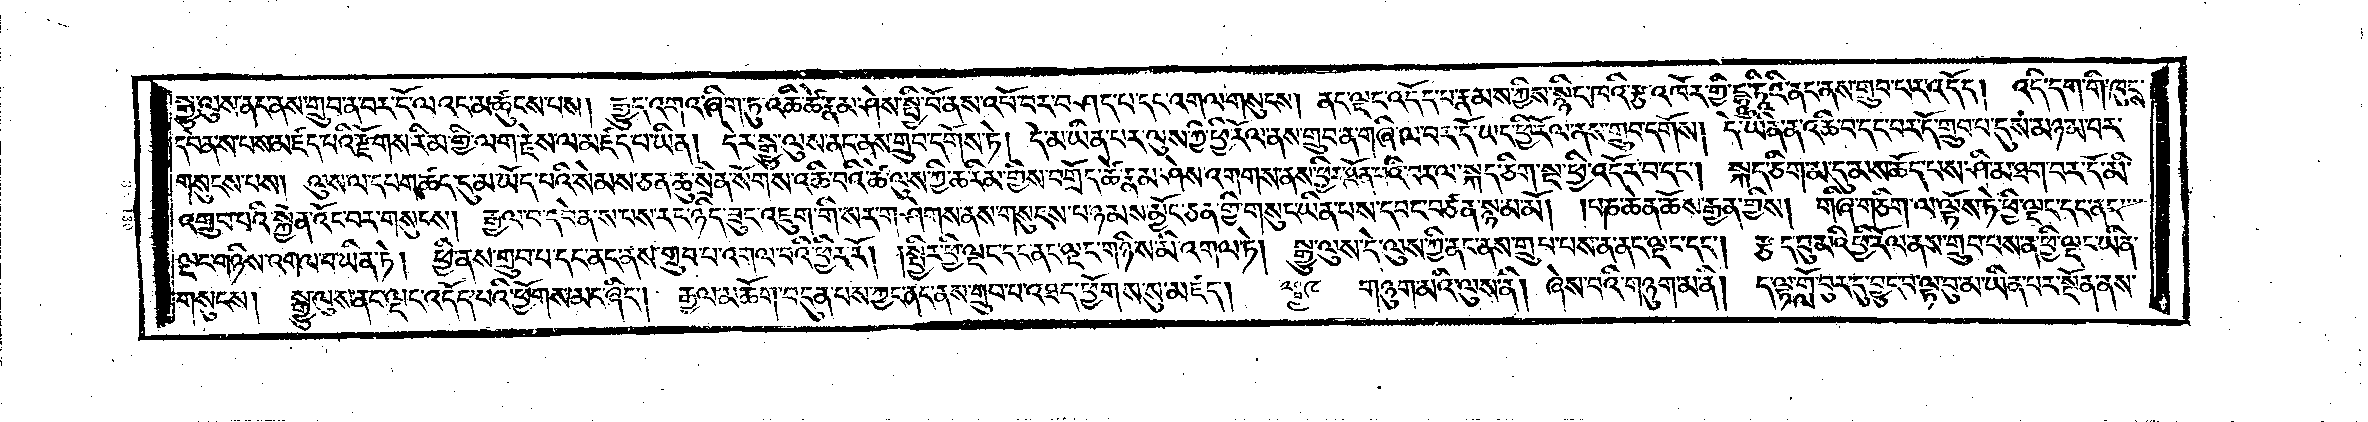སྐྱུ་ལུས་ནང་ནས་གྲུབ་པ་ན་བར་ངོ་ལ་འདི་མཚུངས་པས། རྒྱུད་འགའ་ཞིག་ཏུ་འཆི་ཚེ་རྣམ་ཤེས་སྤྱི་བོ་ནས་འཕོ་བར་བཤད་པ་དང་འགལ་གསུངས། ནང་ལྡང་འདོད་པ་རྣམས་ཀྱིས་ཉིང་ཁའི་རྩ་འཁོར་གྱི་དྷཱུ་ཏཱིའི་ནང་ནས་གྲུབ་པར་འདོད། །འདི་དག་གི་ཁུངས་
དབེན་ས་པས་མཛད་པའི་རྫོགས་རིམ་གྱི་ལག་རྗེས་ལ་མཛད་པ་ཡིན། དེར་སྒྱུ་ལུས་ནང་ནས་གྲུབ་དགོས་ཏེ། དེ་མ་ཡིན་པར་ལུས་ཀྱི་ཕྱི་རོལ་ནས་གྲུབ་ན་གཞི་ལ་བར་དོ་ཡང་ཕྱི་རོལ་ནས་གྲུབ་དགོས། དེ་ཡིན་ན་འཆི་བ་དང་བར་དོ་གྲུབ་པ་དུས་མཉམ་པར་
གསུངས་པས། ལུས་ལ་དཔག་ཚད་དུ་མ་ཡོད་པའི་སེམས་ཅན་ཆུས་རིན་སོགས་འཆི་བའི་ཚེ་ལུས་ཀྱི་ཆ་རིམ་གྱིས་བགྲོད་ཚེ་རྣམས་ཤེས་འགགས་ནས་ཕྱིར་ཐོན་པའི་བར་ལ་སྐད་ཅིག་སྔ་ཕྱི་འདོར་བ་དང་། སྐད་ཅིག་མ་དུ་མས་ཆོད་པས་ཤི་མ་ཐག་པར་དོ་མི་
འགྲུབ་པའི་སྐྱོན་འོང་བར་གསུངས། རྒྱལ་བ་དབེན་ས་པས་རང་ཉིད་ཟུང་འཇུག་གི་སར་གཤེགས་ནས་གསུངས་པ་ཉམས་མྱོང་ཅན་གྱི་གསུང་ཡིན་པས་དབང་བཙན་སྙམ་མོ། །པཎ་ཆེན་ཆོས་རྒྱན་གྱིས། གཞི་གཅིག་ལ་ལྟོས་ཏེ་ཕྱི་ལྡང་དང་ནང་
ལྡང་གཉིས་འགལ་བ་ཡིན་ཏེ། ཕྱི་ནས་གྲུབ་པ་དང་ནང་ནས་གྲུབ་པ་འགལ་བའི་ཕྱིར་རོ། །སྤྱིར་ཕྱི་ལྡང་དང་ནང་ལྡང་གཉིས་མི་འགལ་ཏེ། སྒྱུ་ལུས་དེ་ལུས་ཀྱི་ནང་ནས་གྲུབ་པས་ན་ནང་ལྡང་དང་། རྩ་དབུ་མའི་ཕྱི་རོལ་ནས་གྲུབ་པས་ན་ཕྱི་ལྡང་ཡིན་
གསུངས། སྒྱུ་ལུས་ནང་ལྡང་འདོད་པའི་ཕྱོགས་མང་ཞིང་། རྒྱལ་མཆོག་བདུན་པས་ཀྱང་ནང་ནས་གྲུབ་པ་འཐད་ཕྱོགས་སུ་མཛད། ༢༠བ༤༩་གཉུག་མའི་ལུས་ནི། ཞེས་པའི་གཉུག་མ་ནི། ད་ལྟ་གློ་བུར་དུ་བྱུང་བ་ལྟ་བུ་མ་ཡིན་པར་སྔོན་ན་